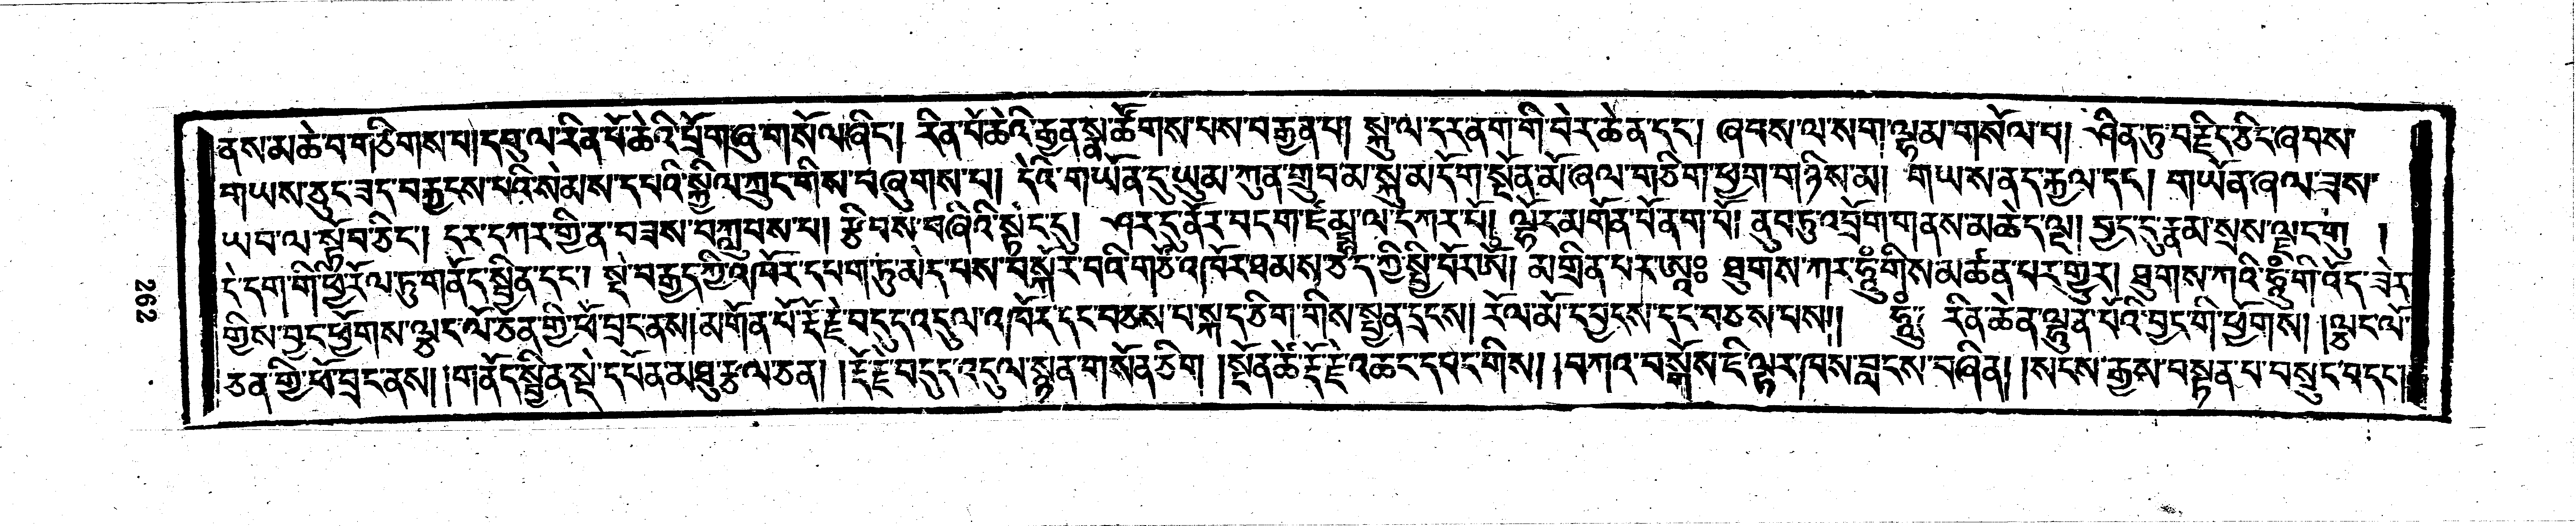ནས་མཆེ་བ་གཙིགས་པ། དབུ་ལ་རིན་པོ་ཆེའི་པྲོག་ཞུ་གསོལ་ཞིང་། རིན་པོ་ཆེའི་རྒྱན་སྣ་ཚོགས་པས་བརྒྱན་པ། སྐུ་ལ་དར་ནག་གི་བེར་ཆེན་དང་། ཞབས་ལ་སག་ལྷམ་གསོལ་བ། ཤིན་ཏུ་བརྗིད་ཅིང་ཞབས་
གཡས་ཅུང་ཟད་བརྐྱངས་པའི་སེམས་དཔའི་སྐྱིལ་ཀྲུང་གིས་བཞུགས་པ། དེའི་གཡོན་དུ་ཡུམ་ཀུན་གྲུབ་མ་སྐུ་མདོག་སྔོན་མོ་ཞལ་གཅིག་ཕྱག་གཉིས་མ། གཡས་ནད་རྐྱལ་དང་། གཡོན་ཞལ་ཟས་
ཡབ་ལ་སྟོབ་ཅིང་། དར་དཀར་གྱི་ན་བཟས་བཀླུབས་པ། རྩིབས་བཞིའི་སྟེང་དུ། ཤར་དུ་ནོར་བདག་ཛམྦྷ་ལ་དཀར་པོ། ལྷོར་མགོན་པོ་ནག་པོ། ནུབ་ཏུ་འབྲོག་གནས་མཆེད་ལྔ། བྱང་དུ་རྣམ་སྲས་ལྗང་གུ །
དེ་དག་གི་ཕྱི་རོལ་ཏུ་གནོད་སྦྱིན་དང་། སྡེ་བརྒྱད་ཀྱི་འཁོར་དཔག་ཏུ་མེད་པས་བསྐོར་བའི་གཙོ་འཁོར་ཐམས་ཅད་ཀྱི་སྤྱི་བོར་ཨོཾ། མགྲིན་པར་ཨཱཿ ཐུགས་ཀར་ཧཱུཾ་གིས་མཚན་པར་གྱུར། ཐུགས་ཀའི་ཧཱུཾ་གི་འོད་ཟེར་
གྱིས་བྱང་ཕྱོགས་ལྕང་ལོ་ཅན་གྱི་ཕོ་བྲང་ནས། མགོན་པོ་རྡོ་རྗེ་བདུད་འདུལ་འཁོར་དང་བཅས་པ་སྐད་ཅིག་གིས་སྤྱན་དྲངས། རོལ་མོ་དབྱངས་དང་བཅས་པས།། ཧཱུཾ༑ རིན་ཆེན་ལྷུན་པོའི་བྱང་གི་ཕྱོགས། །ལྕང་ལོ་
ཅན་གྱི་ཕོ་བྲང་ནས། །གནོད་སྦྱིན་སྡེ་དཔོན་མཐུ་རྩལ་ཅན། །རྡོ་རྗེ་བདུད་འདུལ་སྙན་གསོན་ཅིག །སྔོན་ཚེ་རྡོ་རྗེ་འཆང་དབང་གིས། །བཀའ་བསྒོས་ཇི་ལྟར་ཁས་བླངས་བཞིན། །སངས་རྒྱས་བསྟན་པ་བསྲུང་བ་དང།།